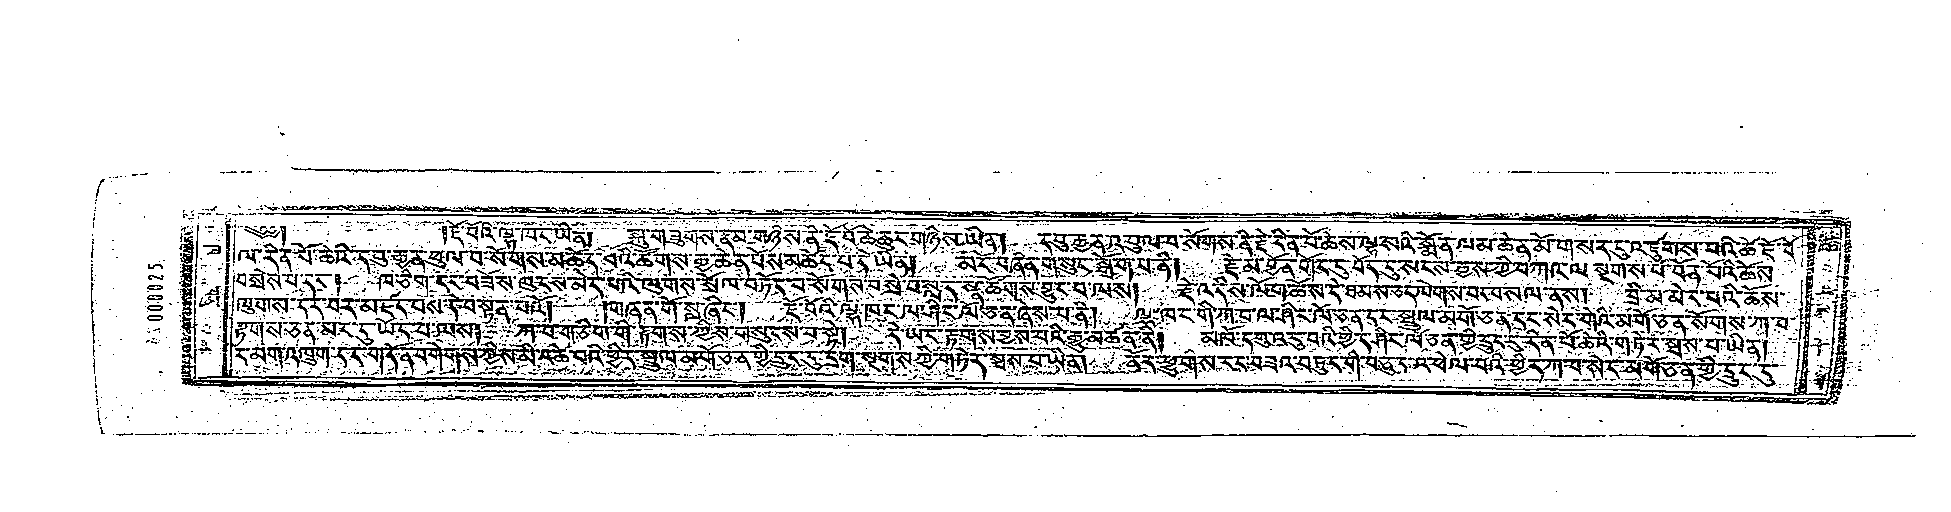༄༅། །ཇོ་བོའི་ལྷ་ཁང་ཡིན། སྐུ་གཟུགས་རྣམ་གཉིས་ནི་ཇོ་བོ་ཆེ་ཆུང་གཉིས་ཡིན། དབུ་རྒྱན་འབུལ་བ་སོགས་ནི་རྗེ་རིན་པོ་ཆེས་ལྷ་སའི་སྨོན་ལམ་ཆེན་མོ་གསར་དུ་འཛུགས་པའི་ཆེ་ཇོ་བོ་
ལ་རིན་པོ་ཆེའི་དབུ་རྒྱན་ཕུལ་བ་སོགས་མཆོད་པའི་ཚོགས་རྒྱ་ཆེན་པོས་མཆོད་པ་དེ་ཡིན། མདོ་བཞིན་གསུང་སྒྲོགས་པ་ནི། རྗེ་མ་བྱོན་གོང་དུ་བོད་དུ་སངས་རྒྱས་ཀྱི་བཀའ་ལ་སྔགས་པ་བོན་པོའི་ཆོས་
བསྲེས་པ་དང་། ཁ་ཅིག་དང་བཟོས་ཁུངས་མེད་པའི་ལུགས་སྲོལ་བཏོང་བ་སོགས་བསྲེ་བསླད་སྣ་ཚོགས་བྱུང་བ་ལས། རྗེ་འདིས་ལོག་ཆོས་དེ་ཐམས་ཅད་ལེགས་པར་བསལ་ནས། བྲི་མ་མེད་པའི་ཆོས་
ལུགས་དར་བར་མཛད་པས་དེ་བསྟན་པའོ། །གཞན་གོ་སླ་ཞིང་། ཇོ་བོའི་ལྷ་ཁང་ལ་ཤིང་ལོ་ཅན་ཞེས་པ་ནི། ལྷ་ཁང་གི་ཀ་བ་ལ་ཤིང་ལོ་ཅན་དང་སྤྲུལ་མགོ་ཅན་དང་སེང་གེའི་མགོ་ཅན་སོགས་ཀ་བ་
རྟགས་ཅན་མང་དུ་ཡོད་པ་ལས། ཀ་བ་གཅིག་གི་རྟགས་ཀྱིས་གསུངས་པ་སྟེ། དེ་ཡང་རྟགས་བྱས་པའི་རྒྱུ་མཚན་ནི། མཁོ་དགུ་འདུ་བའི་གྱིར་ཤིང་ལོ་ཅན་གྱི་དྲུང་དུ་རིན་པོ་ཆེའི་གཏེར་སྦས་པ་ཡིན།
དམག་འཁྲུག་དང་གདོན་བགེགས་ཀྱིས་མི་འཚེ་བའི་ཕྱིར་སྤྲུལ་མགོ་ཅན་གྱི་དྲུང་དུ་དྲག་སྔགས་ཀྱི་གཏེར་སྦས་པ་ཡིན། ནོར་ཕྱུགས་དང་བཟའ་བཏུང་གི་བཅུད་འཕེལ་བའི་ཕྱིར་ཀ་བ་སེང་མགོ་ཅན་གྱི་དྲུང་དུ་